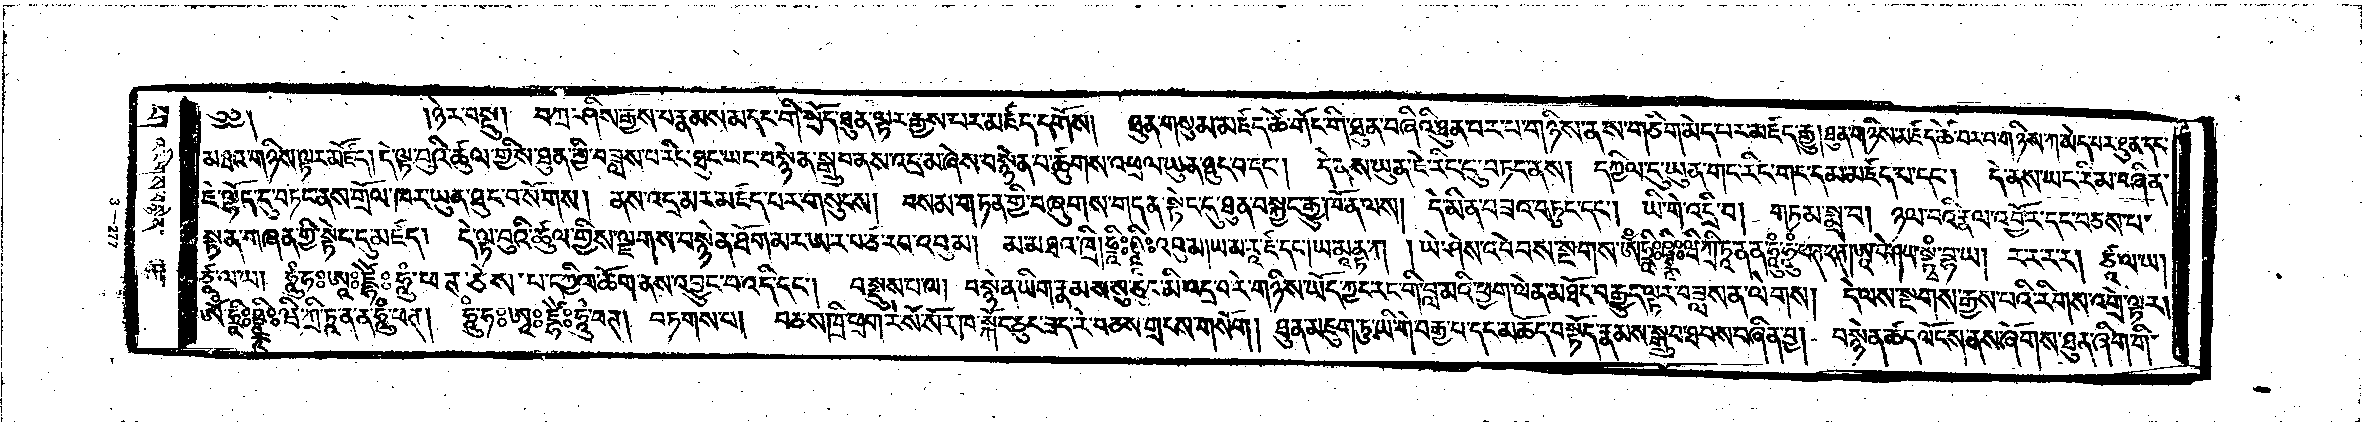༄༅། །ཉེར་བསྡུ། བཀྲ་ཤིས་རྒྱས་པ་རྣམས་མདང་གི་སྲོད་ཐུན་ལྟར་རྒྱས་པར་མཛད་དགོས། ཐུན་གསུམ་མཛད་ཚེ་གོང་གི་ཐུན་བཞིའི་ཐུན་པར་པ་གཉིས་ནས་གཅིག་མེད་པར་མཛད་རྒྱུ། ཐུན་གཉིས་མཛད་ཚེ་བར་བ་གཉིས་ཀ་མེད་པར་ཐུན་དང་
མཐའ་གཉིས་ལྟར་མཛོད། དེ་ལྟ་བུའི་ཚུལ་གྱིས་ཐུན་གྱི་བཟླས་པ་རིང་ཐུང་ཡང་བསྙེན་སྒྲུབ་ནས་འདྲ་མ་ཞེས་བསྙེན་པ་ཚུགས་འཕྲལ་ཡུན་ཐུང་བ་དང་། དེ་ནས་ཡུན་ཇི་རིང་དུ་བཏང་ནས། དཀྱིལ་དུ་ཡན་གང་རིང་གང་དམ་མཛད་པ་དང་། དེ་ནས་ཡང་རིམ་བཞིན་
ཇེ་ལྷོད་དུ་བཏང་ནས་གྲོལ་ཁར་ཡུན་ཐུང་བ་སོགས། ནས་འདྲ་མར་མཛད་པར་གསུངས། བསམ་གཏན་གྱི་བཞུགས་གདན་སྟེང་དུ་ཐུན་བསྐྱང་རྒྱུ་ཁོ་ན་ལས། དེ་མིན་བཟའ་བཏུང་དང་། ཡི་གེ་འདྲི་བ། གཏམ་སྨྲ་བ། ཉལ་བའི་རྣལ་འབྱོར་དང་བཅས་པ་
སྟན་གཞན་གྱི་སྟེང་དུ་མཛད། དེ་ལྟ་བུའི་ཚུལ་གྱིས་ལྗགས་བསྙེན་ཐོག་མར་ཨ་ར་པ་ཙ་རབ་འབུམ། མ་མཐའ་ཁྲི་།ཧྲཱིཿ ཥྚྲཱིཿ འབུམ། ཡ་མ་རཱ་ཛ་དང་། ཡ་མཱནྟ་ཀ །ཡེ་ཤེས་དེབས་སྔགས་ཨོཾ་ཧྲཱིཿ ཥྚྲཱིཿ ཝི་ཀྲི་ཏཱ་ན་ན་ཧཱུཾ་ཧཱུཾ་ཕཊ་ཕཊ། ཨཱ་བེ་ཤ་ཡ་སཏྭཾ་བྷ་ཡ། ར་ར་ར་ར། ཙཱ་ལ་ཡང་།
ཙཱ་ལ་ཡ། ཧཱུཾ་ཧཿ ཨཱཿ ཛྷཻཿ ཧཱུཾ་ཕཊ་ཅེས་པ་དཀྱིལ་ཆོག་ནས་འབྱུང་བ་འདི་དང་། བསྡུས་པ་ལ། བསྙེན་ཡིག་རྣམས་སུ་ཅུང་མི་འདྲ་བ་རེ་གཉིས་ཡོད་ཀྱང་རང་གི་བླ་མའི་ཕྱག་ལེན་མཐོང་བརྒྱུད་ལྟར་བཟླས་ན་ལེགས། དེ་ལས་སྔགས་རྒྱས་པའི་རིགས་འགྲོ་ལྟར།
ཨོཾ་ཧྲཱིཿ ཥྚྲཱིཿ ཝི་ཀྲི་ཏཱ་ན་ན་ཧཱུཾ་ཕཊ། ཧཱུཾ་ཧཿ ཨཱཿ ཛྷཻཿ ཧཱུཾ་ཕཊ། བཏགས་པ། བཅས་ཁྲི་ཕྲག་རེ་སོ་སོར་ཁ་སྐོང་ཅུང་ཟད་རེ་བཅས་གྲངས་གསོག །ཐུན་མཇུག་ཏུ་ཡི་གེ་བརྒྱ་པ་དང་མཆོད་བསྟོད་རྣམས་སྒྲུབ་ཐབས་བཞིན་བྱ། བསྙེན་ཚད་ལོངས་ནས་ཞོགས་ཐུན་ཞིག་གི་